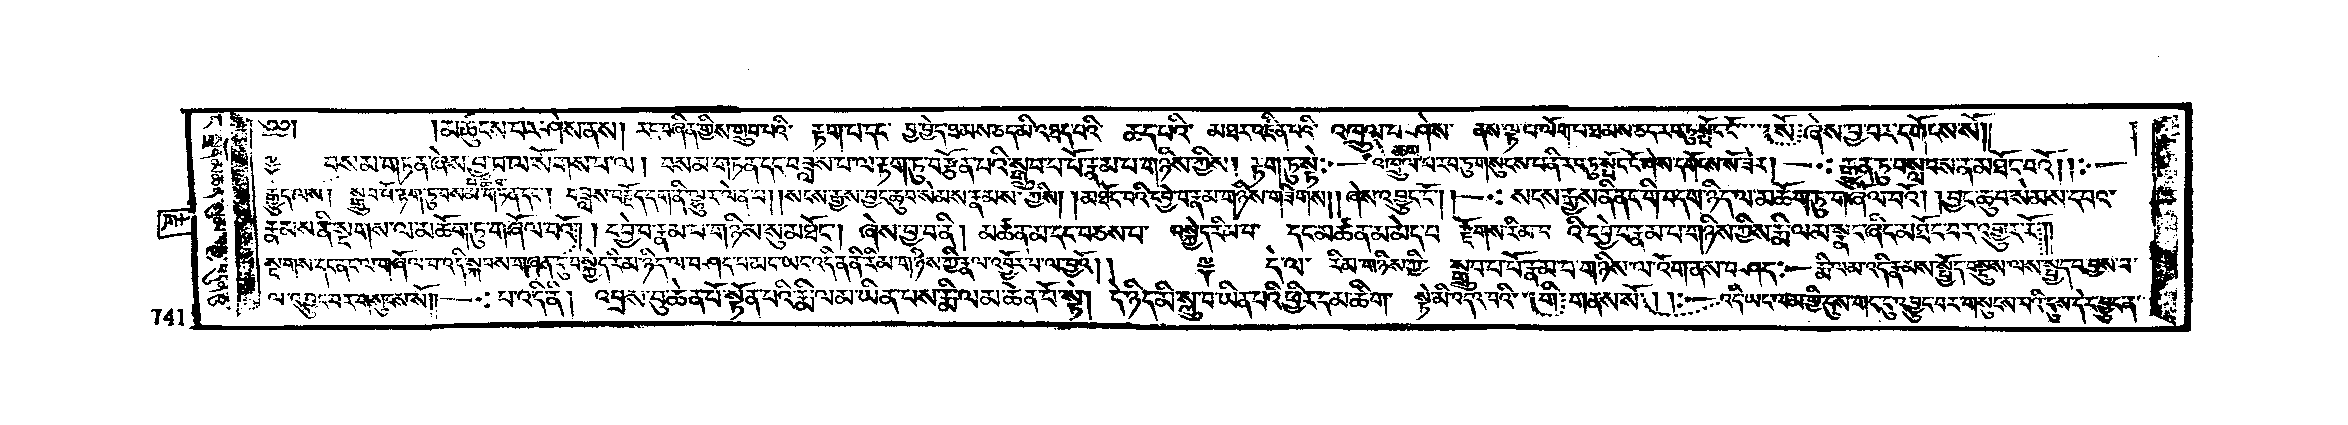༄༅། །མཚུངས་པར་ཤེས་ནས། རང་བཞིན་གྱིས་གྲུབ་པའི་རྟག་པ་དང་བྱ་བྱེད་ཐམས་ཅད་མི་འཐད་པའི་ཆད་པའི་མཐར་འཛིན་པའི་འཁྲུལ་པ་ཤེས་ནས་ལྟ་བ་ལོག་པ་ཐམས་ཅད་རབ་ཏུ་སྤོང་ངོ་སོ་ཞེས་བྱ་བར་དགོངས་སོ།། །
༈ བསམ་གཏན་ཞེས་བྱ་བ་ལ་སོགས་པ་ལ། བསམ་གཏན་དང་བཟླས་པ་ལ་རྟག་ཏུ་བརྩོན་པའི་སྒྲུབ་པ་པོ་རྣམ་པ་གཉིས་ཀྱིས། རྟག་ཏུ་སྟེ་H.་ཆག་འཁྲུལ་པ་རབ་ཏུ་གསུངས་པ་ནི་རབ་ཏུ་སྤོང་ངོ་ཞེས་དགོངས་སོ་ཟེར། .Hརྒྱུན་ཏུ་བསླབས་ན་མཐོང་བའོ། ། H.
རྒྱུད་ལས། སྒྲུབ་པོ་རྟག་ཏུ་བསམ་པ་ཚབ་བསམ་གཏན་དང་། བཟླས་བརྗོད་དག་ནི་ལྷུར་ལེན་པ། །སངས་རྒྱས་བྱང་ཆུབ་སེམས་རྣམས་ཀྱིས། །མཐོང་བའི་དབྱེ་བ་རྣམ་གཉིས་གཟིགས། །ཞེས་འབྱུང་ངོ། །.H་སངས་རྒྱས་ནི་ནང་གི་བདག་ཉིད་ལ་མཆོག་ཏུ་གཞོལ་བའོ། །བྱང་ཆུབ་སེམས་དཔའ་
རྣམས་ནི་སྔགས་ལ་མཆོག་ཏུ་གཞོལ་བའོ། །དབྱེ་བ་རྣམ་པ་གཉིས་སུ་མཐོང་། ཞེས་བྱ་བ་ནི། མཚན་མ་དང་བཅས་པ་བསྐྱེད་རིམ་པ་དང་མཚན་མ་མེད་པ་རྫོགས་རིམ་པའི་དབྱེ་བ་རྣམ་པ་གཉིས་ཀྱིས་རྨི་ལམ་སྣང་ཞིང་མཐོང་བར་འགྱུར་རོ།།
སྔགས་དང་ནང་ལ་གཞོལ་བ་འདི་སྐབས་གཞན་དུ་བསྐྱེད་རིམ་ཉིད་ལ་བཤད་པ་མང་ཡང་འདི་ན་ནི་རིམ་གཉིས་ཀྱི་རྣལ་འབྱོར་པ་ལ་བྱའོ།། ༈ དེ་ལ་རིམ་གཉིས་ཀྱི་སྒྲུབ་པ་པོ་རྣམ་པ་གཉིས་ལ་འོག་ནས་བཤད་H.་རྨི་ལམ་འདི་རྣམས་སྤྱོད་བསྡུས་ལས་སྤྱད་པ་བྱས་པ་
ལ་འབྱུང་བར་གསུངས་སོ།།.H པ་འདི་ནི། འབྲས་བུ་ཆེན་པོ་སྟོན་པའི་རྨི་ལམ་ཡིན་པས་རྨི་ལམ་ཆེན་པོ་སྟེ། དེ་ཉིད་མི་སླུ་བ་ཡིན་པའི་ཕྱིར་དམ་ཚིག་སྟེ་མི་འདའ་བའི་གི་གནས་སོ། ། H.་འདི་ཡང་ལམ་གྱི་དུས་གང་དུ་འབྱུང་བར་གསུངས་པའི་དུས་དེར་བྱུང་ན་